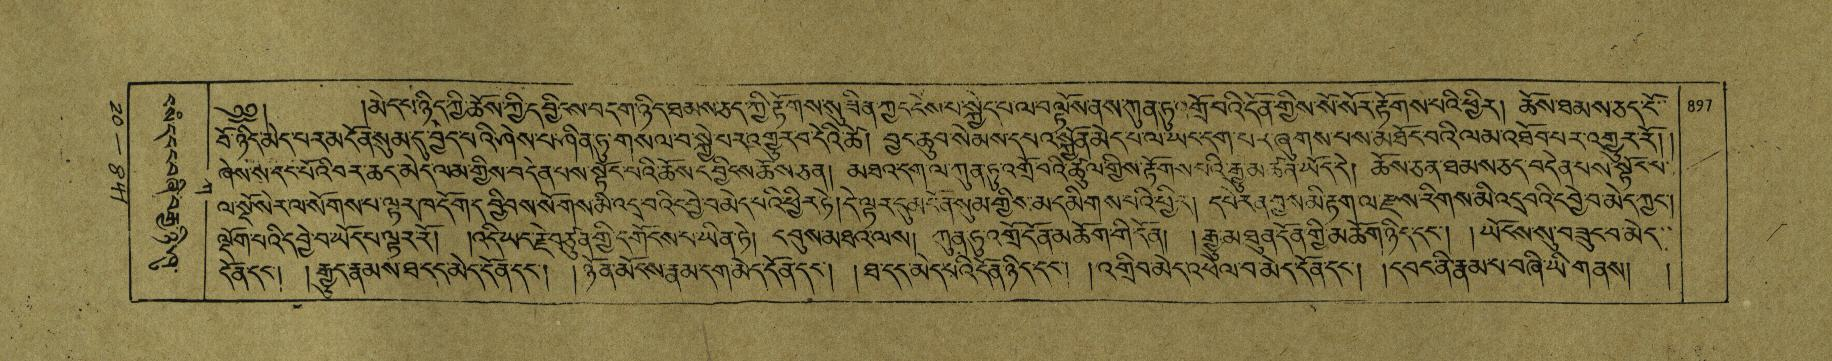༄༅། །མེད་པ་ཉིད་ཀྱི་ཆོས་ཀྱི་དབྱིངས་བདག་ཉིད་ཐམས་ཅད་ཀྱི་རྟོགས་སུ་ཟིན་ཀྱང་ངེས་པ་སྐྱེད་པ་ལ་བལྟོས་ནས་ཀུན་ཏུ་འགྲོ་བའི་དོན་གྱིས་སོ་སོར་རྟོགས་པའི་ཕྱིར། ཆོས་ཐམས་ཅད་ངོ་
བོ་ཉིད་མེད་པར་མངོན་སུམ་དུ་བྱེད་པའི་ཤེས་པ་ཤིན་ཏུ་གསལ་བ་སྐྱེ་བར་འགྱུར་བ་དེའི་ཚེ། བྱང་ཆུབ་སེམས་དཔའ་སྐྱོན་མེད་པ་ལ་ཡང་དག་པར་ཞུགས་པས་མཐོང་བའི་ལམ་འཐོབ་པར་འགྱུར་རོ། །
ཞེས་ས་དང་པོའི་བར་ཆད་མེད་ལམ་གྱིས་བདེན་པས་སྟོང་པའི་ཆོས་དབྱིངས་ཆོས་ཅན། མཐའ་དག་ལ་ཀུན་ཏུ་འགྲོ་བའི་ཚུལ་གྱིས་རྟོགས་པའི་རྒྱུ་མཚན་ཡོད་དེ། ཆོས་ཅན་ཐམས་ཅད་བདེན་པས་སྟོང་པ་
ལ་སྔོ་སེར་ལ་སོགས་པ་ལྟར་ཁ་དོག་དབྱིབས་སོགས་མི་འདྲ་བའི་དབྱེ་བ་མེད་པའི་ཕྱིར་ཏེ། དེ་ལྟར་དུ་མངོན་སུམ་གྱིས་མ་དམིགས་པའི་ཕྱིར། དཔེར་ན་བྱས་མི་རྟག་ལ་རྫས་རིགས་མི་འདྲ་བའི་དབྱེ་བ་མེད་ཀྱང་།
ལྡོག་པའི་དབྱེ་བ་ཡོད་པ་ལྟར་རོ། །འདི་ཡང་རྗེ་བཙུན་གྱི་དགོངས་པ་ཡིན་ཏེ། དབུས་མཐའ་ལས། ཀུན་ཏུ་འགྲོ་དོན་མཆོག་གི་དོན། །རྒྱུ་མཐུན་དོན་གྱི་མཆོག་ཉིད་དང་། །ཡོངས་སུ་བཟུང་བ་མེད་
དོན་དང་། །རྒྱུད་རྣམས་ཐ་དད་མེད་དོན་དང་། །ཉོན་མོངས་རྣམ་དག་མེད་དོན་དང་། །ཐ་དད་མེད་པའི་དོན་ཉིད་དང་། །འགྲིབ་མེད་འཕེལ་བ་མེད་དོན་དང་། །དབང་ནི་རྣམ་པ་བཞི་ཡི་གནས། །